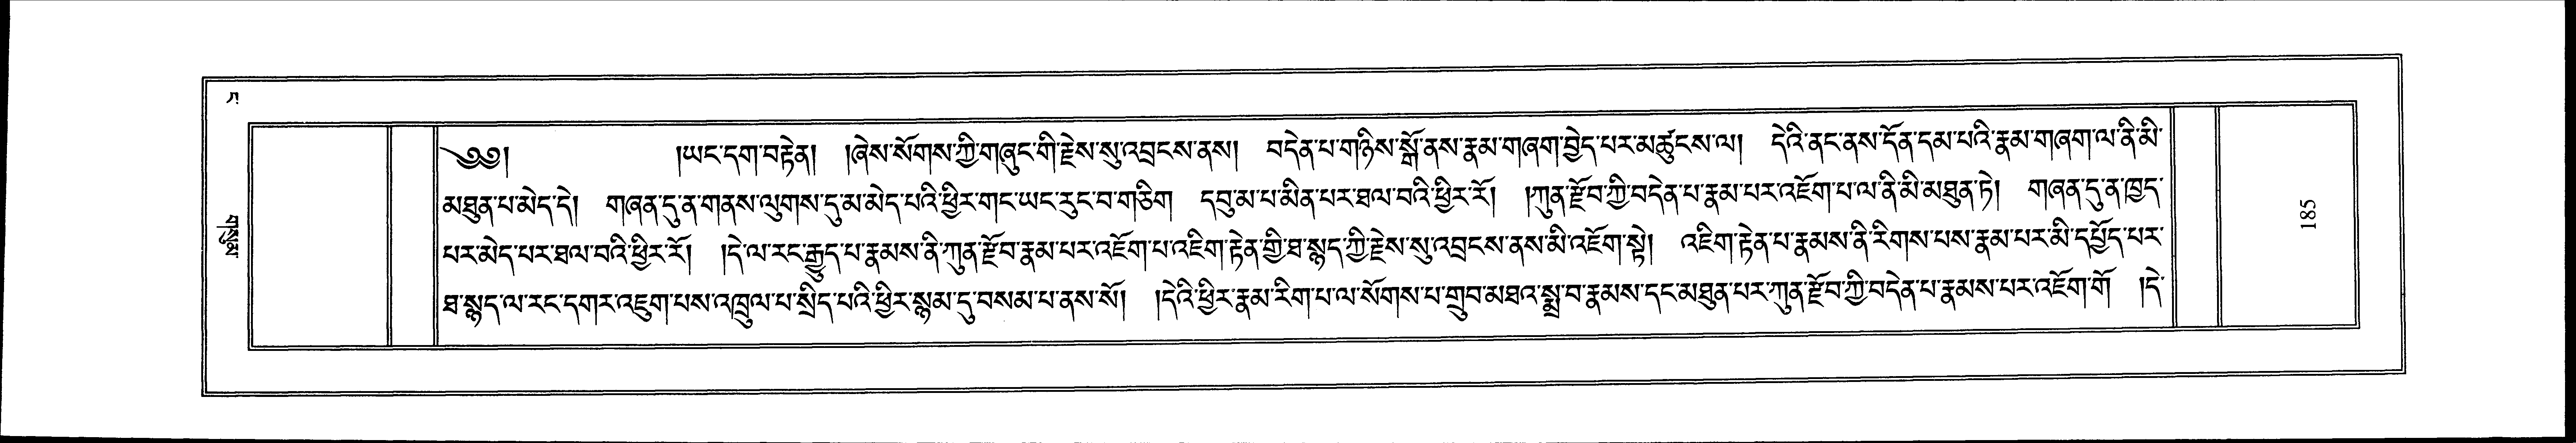༄༅། །ཡང་དག་བརྟེན། །ཞེས་སོགས་ཀྱི་གཞུང་གི་རྗེས་སུ་འབྲངས་ནས། བདེན་པ་གཉིས་སྒོ་ནས་རྣམ་གཞག་བྱེད་པར་མཚུངས་ལ། དེའི་ནང་ནས་དོན་དམ་པའི་རྣམ་གཞག་ལ་ནི་མི་
མཐུན་པ་མེད་དེ། གཞན་དུ་ན་གནས་ལུགས་དུ་མ་མེད་པའི་ཕྱིར་གང་ཡང་རུང་བ་གཅིག་དབུ་མ་པ་མིན་པར་ཐལ་བའི་ཕྱིར་རོ། །ཀུན་རྫོབ་ཀྱི་བདེན་པ་རྣམ་པར་འཇོག་པ་ལ་ནི་མི་མཐུན་ཏེ། གཞན་དུ་ན་ཁྱད་
པར་མེད་པར་ཐལ་བའི་ཕྱིར་རོ། །དེ་ལ་རང་རྒྱུད་པ་རྣམས་ནི་ཀུན་རྫོབ་རྣམ་པར་འཇོག་པ་འཇིག་རྟེན་གྱི་ཐ་སྙད་ཀྱི་རྗེས་སུ་འབྲངས་ནས་མི་འཇོག་སྟེ། འཇིག་རྟེན་པ་རྣམས་ནི་རིགས་པས་རྣམ་པར་མི་དཔྱོད་པར་
ཐ་སྙད་ལ་རང་དགར་འཇུག་པས་འཁྲུལ་པ་སྲིད་པའི་ཕྱིར་སྙམ་དུ་བསམ་པ་ནས་སོ། །དེའི་ཕྱིར་རྣམ་རིག་པ་ལ་སོགས་པ་གྲུབ་མཐའ་སྨྲ་བ་རྣམས་དང་མཐུན་པར་ཀུན་རྫོབ་ཀྱི་བདེན་པ་རྣམས་པར་འཇོག་གོ །དེ་